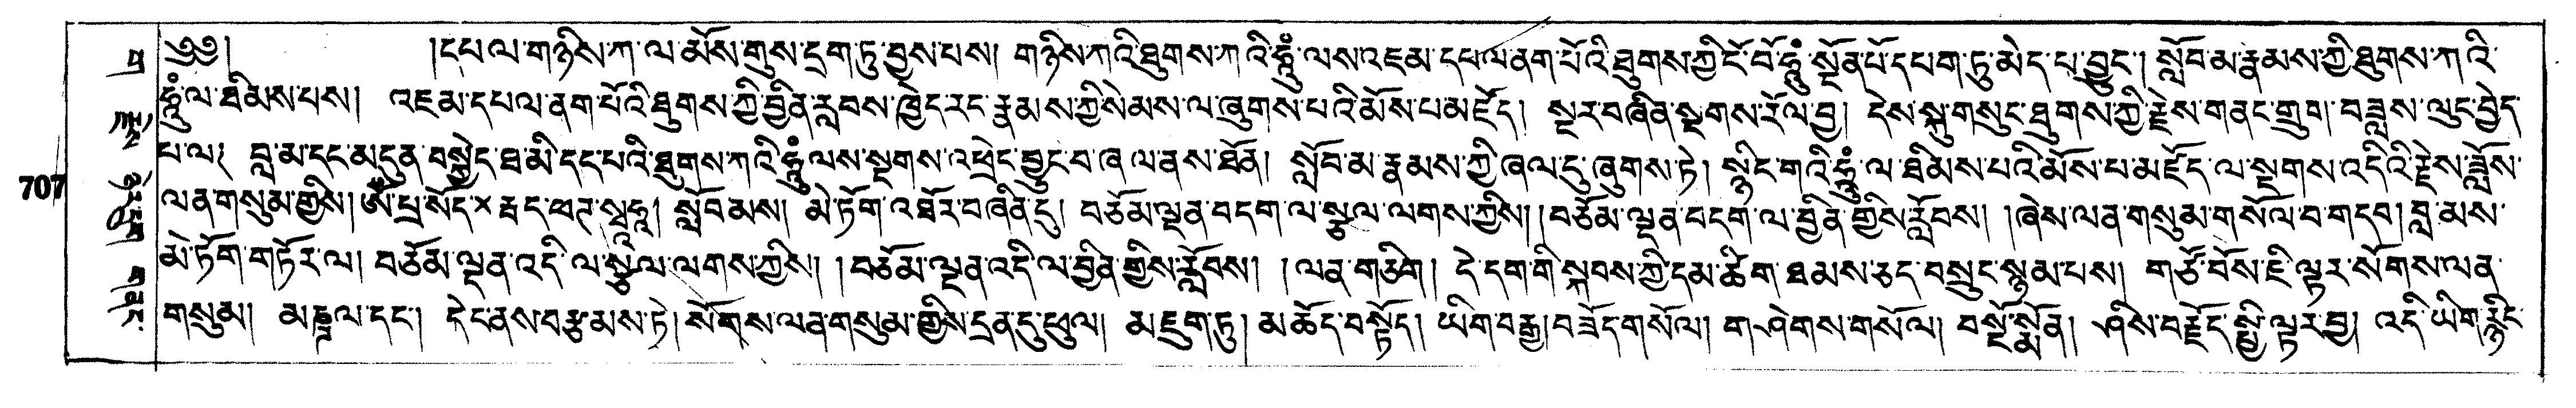༄༅། །དཔལ་གཉིས་ཀ་ལ་མོས་གུས་དྲག་ཏུ་བྱས་པས། གཉིས་ཀའི་ཐུགས་ཀའི་ཧཱུཾ་ལས་འཇམ་དཔལ་ནག་པོའི་ཐུགས་ཀྱི་ངོ་བོ་ཧཱུཾ་སྔོན་པོ་དཔག་ཏུ་མེད་པ་བྱུང་། སློབ་མ་རྣམས་ཀྱི་ཐུགས་ཀའི་
ཧཱུཾ་ལ་ཐིམས་པས། འཇམ་དཔལ་ནག་པོའི་ཐུགས་ཀྱི་བྱིན་རླབས་ཁྱེད་རང་རྣམས་ཀྱི་སེམས་ལ་ཞུགས་པའི་མོས་པ་མཛོད། སྔར་བཞིན་སྔགས་རོལ་བྱ། དེས་སྐུ་གསུང་ཐུགས་ཀྱི་རྗེས་གནང་གྲུབ། བཟླས་ལུང་བྱེད་
པ་ལ༑ བླ་མ་དང་མདུན་བསྐྱེད་ཐ་མི་དད་པའི་ཐུགས་ཀའི་ཧཱུཾ་ལས་སྔགས་འཕྲེང་བྱུང་བ་ཞལ་ནས་ཐོན། སློབ་མ་རྣམས་ཀྱི་ཞལ་དུ་ཞུགས་ཏེ། སྙིང་གའི་ཧཱུཾ་ལ་ཐིམས་པའི་མོས་པ་མཛོད་ལ་སྔགས་འདིའི་རྗེས་ཟློས་
ལན་གསུམ་གྱིས། ཨོཾ་པྲ་སོ་྾་རྦད་ཕཊ་སྭཱཧཱ། སློབ་མས། མེ་ཏོག་འཐོར་བཞིན་དུ། བཅོམ་ལྡན་བདག་ལ་སྩལ་ལགས་ཀྱིས། །བཅོམ་ལྡན་བདག་ལ་བྱིན་གྱིས་རློབས། །ཞེས་ལན་གསུམ་གསོལ་བ་གདབ། བླ་མས་
མེ་ཏོག་གཏོར་ལ། བཅོམ་ལྡན་འདི་ལ་སྩལ་ལགས་ཀྱིས། །བཅོམ་ལྡན་འདི་ལ་བྱིན་གྱིས་རློབས། །ལན་གཅིག། དེ་དག་གི་སྐབས་ཀྱི་དམ་ཚིག་ཐམས་ཅད་བསྲུང་སྙམ་པས། གཙོ་བོས་ཇི་ལྟར་སོགས་ལན་
གསུམ། མཎྜལ་དང་། དེང་ནས་བརྩམས་ཏེ། སོགས་ལན་གསུམ་གྱིས་དྲན་དུ་ཕུལ། མཇུག་ཏུ། མཆོད་བསྟོད། ཡིག་བརྒྱ། བཟོད་གསོལ། གཤེགས་གསོལ། བསྔོ་སྨོན། ཤིས་བརྗོད་སྤྱི་ལྟར་བྱ། འདི་ཡིག་རྙིང་